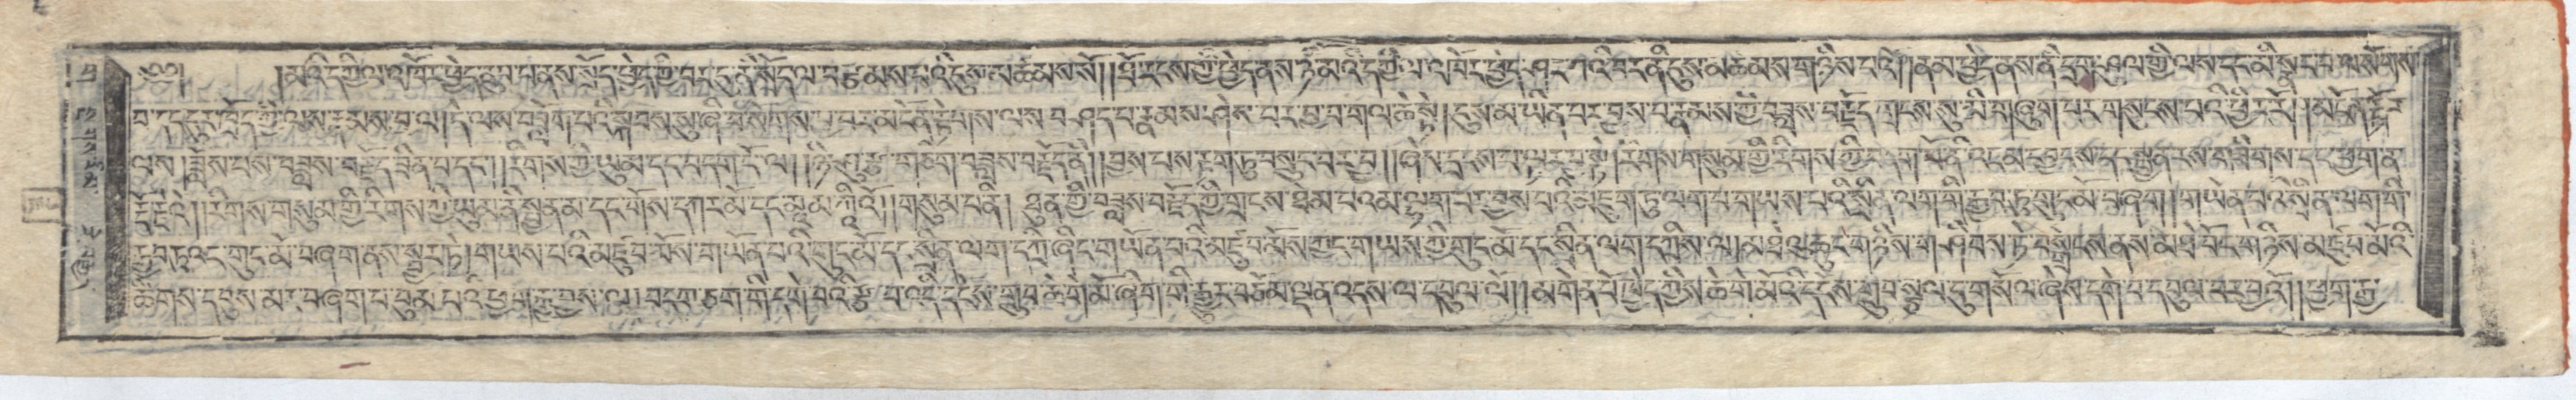༄༅། །མའི་དཀྱིལ་འཁོར་ཕྱེད་ནུབ་པ་ནས་སྲོད་ཕྱེད་ཀྱི་བར་དུ་ནི་སྲོད་ལ་བརྩམས་པའི་དུས་མཚམས་སོ། །ཐོ་རངས་ཀྱི་ཕྱེད་ནས་ཉི་མའི་དཀྱིལ་འཁོར་ཕྱེད་ཤར་བའི་བར་ནི་དུས་མཚམས་གཉིས་པའོ། །ནམ་ཕྱེད་ནས་ནི་དྲག་ཤུལ་གྱི་ལས་དང་མི་སྣང་བ་ལ་སོགས་
པ་དང་དུར་ཁྲོད་ཀྱི་ལས་རྣམས་བྱ་ལ། དེ་ལས་བཟློག་པའི་སྐབས་སུ་ཞི་བ་སོགས་བྱ་བར་མངོན་རྟོགས་ལས་བཤད་པ་རྣམས་ཤེས་པར་བྱ་བ་གལ་ཆེ་སྟེ། དུས་མ་ཡིན་པར་བྱས་པ་རྣམས་ཀྱི་བཟླས་བརྗོད་གྲངས་སུ་མི་གཞུག་པར་གསུངས་པའི་ཕྱིར་རོ། །མངོན་རྟོགས་
ལས། ཟློས་པས་བཟླས་བརྗོད་ཟིན་པ་དང་། །རིགས་ཀྱི་ཡུམ་དང་བདག་པོ་ལ། །ཉི་ཤུ་རྩ་གཅིག་བཟླས་བརྗོད་ནི། །བྱས་པས་རྟག་ཏུ་བསྲུང་བར་བྱ། །ཞེས་དྲངས་པ་ལྟར་བྱ་སྟེ། རིགས་གསུམ་གྱི་རིགས་ཀྱི་བདག་པོ་ནི་འཇམ་དབྱངས་དང་སྤྱན་རས་གཟིགས་དང་ཕྱག་ན་
རྡོ་རྗེའོ། །རིགས་གསུམ་གྱི་རིགས་ཀྱི་ཡུམ་ནི་སྤྱན་མ་དང་གོས་དཀར་མོ་དང་མཱམ་ཀཱིའོ། །གསུམ་པ་ནི། ཐུན་གྱི་བཟླས་བརྗོད་ཀྱི་གྲངས་ཐེམ་པའམ་ལྷག་པར་བྱས་པའི་མཇུག་ཏུ་ལག་པ་གཡས་པའི་སྲིན་ལག་གི་རྒྱབ་ཏུ་གུང་མོ་བཞག །གཡོན་པའི་སྲིན་ལག་གི་
རྒྱབ་ཏུའང་གུང་མོ་བཞག་ནས་སྦྱར་ཏེ། གཡས་པའི་མཛུབ་མོས་གཡོན་པའི་གུང་མོ་དང་སྲིན་ལག་དཀྲི་ཞིང་གཡོན་པའི་མཛུབ་མོས་ཀྱང་གཡས་ཀྱི་གུང་མོ་དང་སྲིན་ལག་དཀྲིས་ལ། མཐེའུ་ཆུང་གཉིས་གཤིབས་ཏེ་བསྒྲེངས་ནས་མཐེ་བོང་གཉིས་མཛུབ་མོའི་
ཚིགས་དབུས་མར་བཞག་པ་བུམ་པའི་ཕྱག་རྒྱ་བྱས་ལ། བདག་ཅག་གི་དགེ་བའི་རྩ་བ་འདི་དངོས་གྲུབ་ཆེ་གེ་མོ་ཞིག་གི་རྒྱུར་བཅོམ་ལྡན་འདས་ལ་དབུལ་ལོ། །མགོན་པོ་ཁྱེད་ཀྱིས་ཆེ་གེ་མོའི་དངོས་གྲུབ་སྩལ་?་དུ་གསོལ་ཞེས་དགེ་བ་དབུལ་བར་བྱའོ། །ཕྱག་རྒྱ་